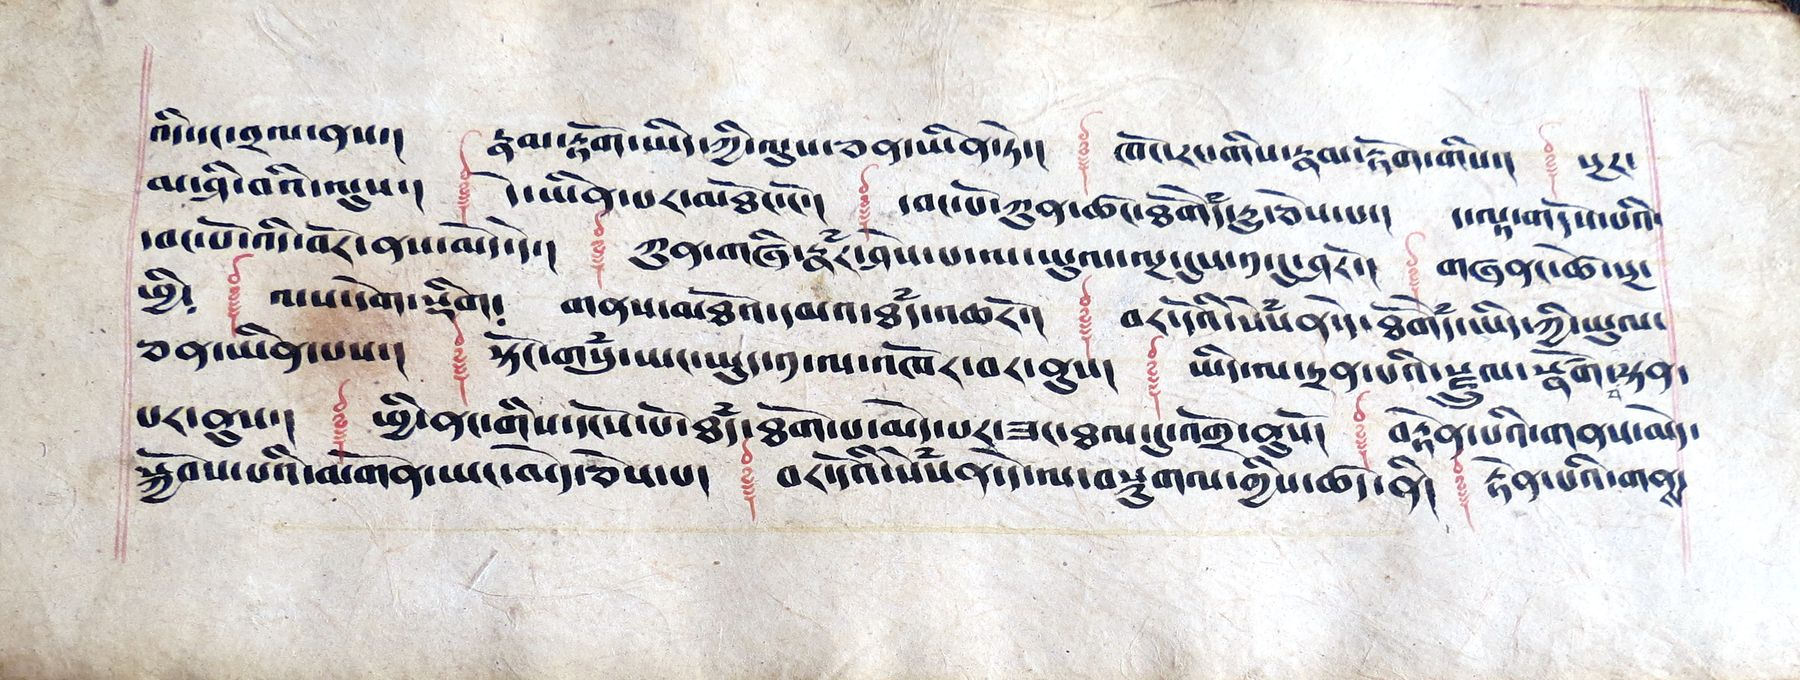འདི་དང་བྲལ་ནས། རྣམ་རྟོག་ཡིད་ཀྱི་ལུས་ཅན་ཡིན་ཏེ། ཁོ་རང་གི་རྣམ་རྟོག་གིས། སྔར་
མ་ཤི་བའི་ལུས་དེ་ཡིན་པར་མཐོང་ངོ་། །དབང་པོ་ཀུན་ཚང་ཐོག་མེད་རྒྱུ། །ཞེས་པས། ད་ལྟ་གདོས་པའི་
དབང་པོ་ལྔ་པོ་འདི་བོར་ནས་མེད་དེ། ཀུན་གཞིའི་རྣམ་པར་ཤེས་པ་ལ་ཡུལ་ལྔ་དུས་གཅིག་ལ་ཤར་རོ། །གཞན་ཡང་ཚེ་སྔ་
ཕྱི་ལས་དགེ་སྡིག་གནས་མཐོ་དམའ་ཐམས་ཅད་འཆར་རོ། །བར་དོའི་སེམས་ཅན་དེ་ཐོགས་མེད་ཡིད་ཀྱི་ཡུལ་
(ལུས) ཅན་ཡིན་པས། སྟོང་གསུམ་ཡང་ཡུད་ཅིག་ལ་འཁོར་བར་ནུས། ཡིད་ལ་དྲན་པའི་རྫུ་འཕྲུལ་སྣ་ཚོགས་སྟོན་
པར་ནུས། ཕྱི་ནང་གི་དངོས་པོ་ཐམས་ཅད་ལ་ཐོགས་པ་མེད་པར་ཟང་ཐལ་དུ་འགྲོ་ནུས་སོ། །བརྟེན་པའི་གནས་མེད་
སྐྱོབ་པའི་མགོན་ཡང་མེད། །ཅེས་པས། བར་དོའི་སེམས་ཅན་དེ་ལ་སྡུག་བསྔལ་གྱི་ཚད་ནི། བརྟེན་པའི་གནས་